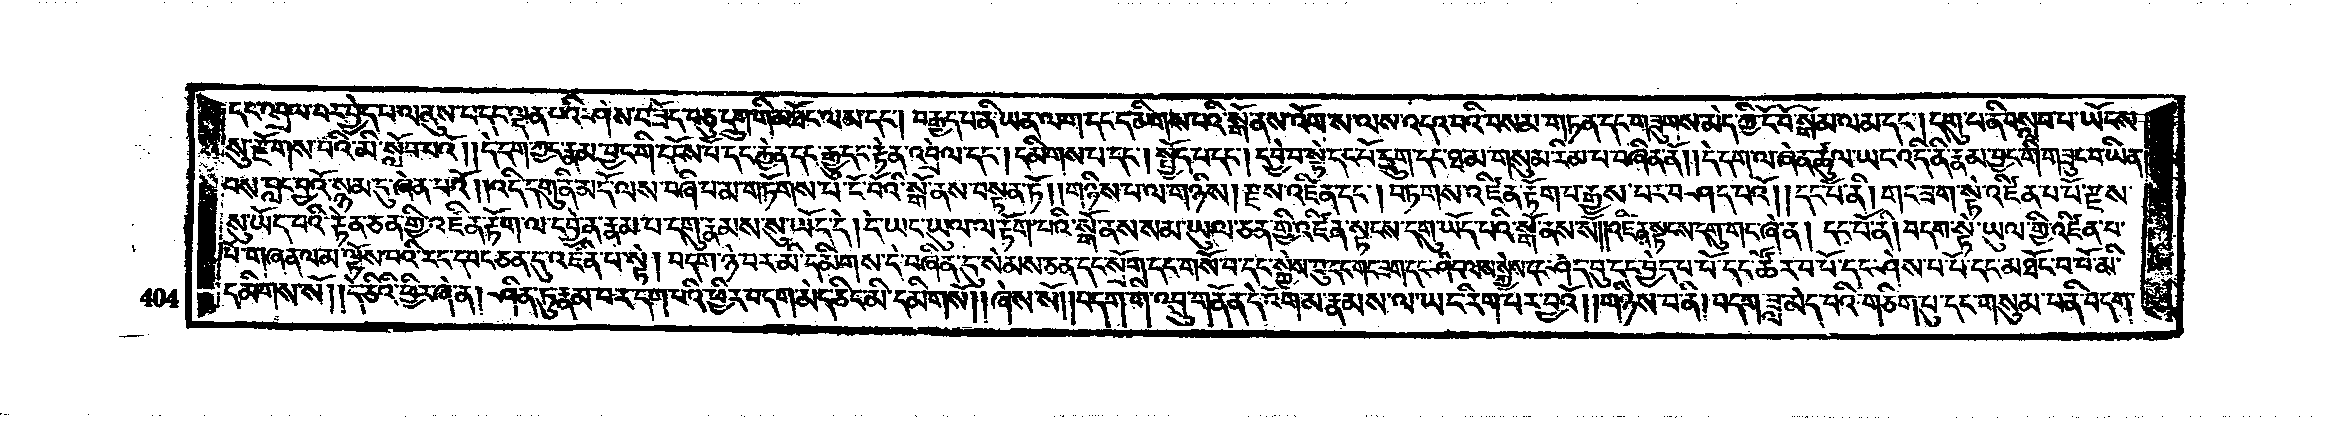དང་འབྲལ་བར་བྱེད་པ་ལ་ནུས་པ་དང་ལྡན་པའི་ཤེས་བཟོད་བཅུ་དྲུག་གི་མཐོང་ལམ་དང་། བརྒྱད་པ་ནི་ཡན་ལག་དང་དམིགས་པའི་སྒོ་ནས་འོག་ས་ལས་འདའ་བའི་བསམ་གཏན་དང་གཟུགས་མེད་ཀྱི་ངོ་བོ་སྒོམ་ལམ་དང་། དགུ་པ་ནི་བསླབ་པ་ཡོངས་
སུ་རྫོགས་པའི་མི་སློབ་པའོ། །དེ་དག་ཀྱང་རྣམ་བྱང་གི་དངོས་པོ་དང་རྐྱེན་དང་རྒྱུ་དང་རྟེན་འབྲེལ་དང་། དམིགས་པ་དང་། སྤྱོད་པ་དང་། དབྱེ་བ་སྟེ་དང་པོ་དྲུག་དང་ཐ་མ་གསུམ་རིམ་པ་བཞིན་ནོ། །དེ་དག་ལ་ཞེན་ཚུལ་ཡང་འདི་ནི་རྣམ་བྱང་གི་གཟུང་བ་ཡིན་
པས་བླང་བྱའོ་སྙམ་དུ་ཞེན་པའོ། །འདི་དགུ་ནི་མདོ་ལས་བཞི་པ་མ་གཏོགས་པ་ངོ་བོའི་སྒོ་ནས་བསྟན་ཏོ། །གཉིས་པ་ལ་གཉིས། རྫས་འཛིན་དང་། བཏགས་འཛིན་རྟོག་པ་རྒྱས་པར་བཤད་པའོ། །དང་པོ་ནི། གང་ཟག་སྟེ་འཛིན་པ་པོ་རྫས་
སུ་ཡོད་པའི་རྟེན་ཅན་གྱི་འཛིན་རྟོག་ལ་དབྱེ་ན་རྣམ་པ་དགུ་རྣམས་སུ་ཡོད་དེ། དེ་ཡང་ཡུལ་ལ་རྟོག་པའི་སྒོ་ནས་སམ་ཡུལ་ཅན་གྱི་འཛིན་སྟངས་དགུ་ཡོད་པའི་སྒོ་ནས་སོ། །འཛིན་སྟངས་དགུ་གང་ཞེ་ན། དང་པོ་ནི། བདག་སྟེ་ཡུལ་གྱི་འཛིན་པ་
པོ་གཞན་ལ་མ་ལྟོས་པའི་རང་དབང་ཅན་དུ་འཛིན་པ་སྟེ། བདག་ཉེ་བར་མི་དམིགས་དེ་བཞིན་དུ་སེམས་ཅན་དང་སྲོག་དང་གསོ་བ་དང་སྐྱེས་བུ་དང་གང་ཟག་དང་ཤེད་ལས་སྐྱེས་དང་ཤེད་བུ་དང་བྱེད་པ་པོ་དང་ཚོར་བ་པོ་དང་ཤེས་པ་པོ་དང་མཐོང་བ་པོ་མི་
དམིགས་སོ། །དེ་ཅིའི་ཕྱིར་ཞེ་ན། ཤིན་ཏུ་རྣམ་པར་དག་པའི་ཕྱིར་བདག་མེད་ཅིང་མི་དམིགས་སོ། །ཞེས་སོ། །བདག་གི་འབྲུ་གནོན་དེ་འོག་མ་རྣམས་ལ་ཡང་རིག་པར་བྱའོ། །གཉིས་པ་ནི། བདག་ཟླ་མེད་པའི་གཅིག་པུ་དང་གསུམ་པ་ནི་བདག་